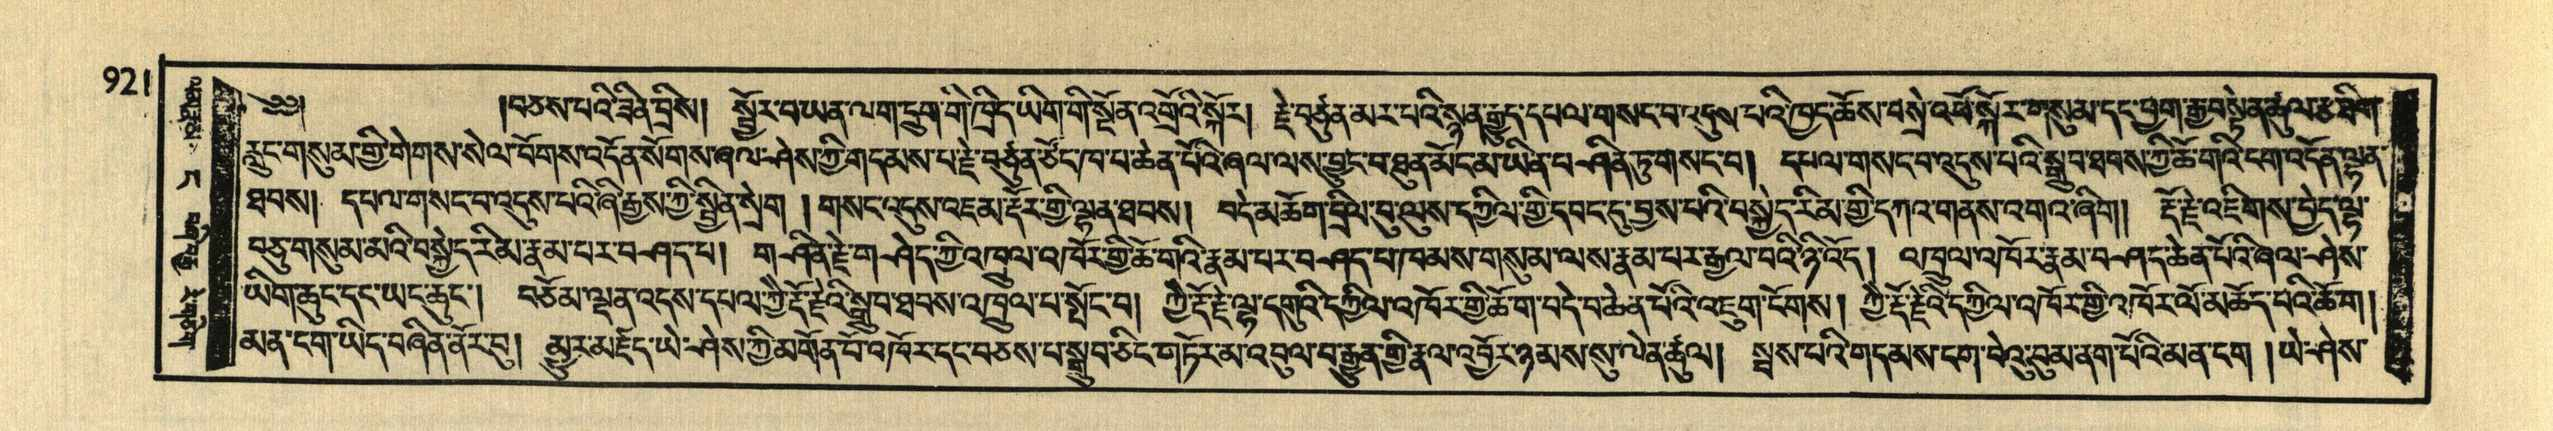༄༅། །བཅས་པའི་ཟིན་བྲིས། སྦྱོར་བ་ཡན་ལག་དྲུག་གི་ཁྲིད་ཡིག་གི་སྔོན་འགྲོའི་སྐོར། རྗེ་བཙུན་མར་པའི་སྙན་རྒྱུད་དཔལ་གསང་བ་འདུས་པའི་ཁྱད་ཆོས་བསྲེ་འཕོ་སྐོར་གསུམ་དང་ཕྱག་རྒྱ་བསྟེན་ཚུལ་རྩ་ཐིག་
རླུང་གསུམ་གྱི་གེགས་སེལ་བོགས་འདོན་སོགས་ཞལ་ཤེས་ཀྱི་གདམས་པ་རྗེ་བཙུན་ཙོང་ཁ་པ་ཆེན་པོའི་ཞལ་ལས་བྱུང་བ་ཐུན་མོང་མ་ཡིན་པ་ཤིན་ཏུ་གསང་བ། དཔལ་གསང་བ་འདུས་པའི་སྒྲུབ་ཐབས་ཀྱི་ཆོ་གའི་ངག་འདོན་ལྷན་
ཐབས། དཔལ་གསང་བ་འདུས་པའི་ཞི་རྒྱས་ཀྱི་སྦྱིན་སྲེག །གསང་འདུས་འཇམ་རྡོར་གྱི་ལྷན་ཐབས། བདེ་མཆོག་དྲིལ་བུ་ལུས་དཀྱིལ་གྱི་དབང་དུ་བྱས་པའི་བསྐྱེད་རིམ་གྱི་དཀའ་གནས་འགའ་ཞིག། རྡོ་རྗེ་འཇིགས་བྱེད་ལྷ་
བཅུ་གསུམ་མའི་བསྐྱེད་རིམ་རྣམ་པར་བཤད་པ། གཤིན་རྗེ་གཤེད་ཀྱི་འཁྲུལ་འཁོར་གྱི་ཆོ་གའི་རྣམ་པར་བཤད་པ་ཁམས་གསུམ་ལས་རྣམ་པར་རྒྱལ་བའི་ཉི་འོད། འཁྲུལ་འཁོར་རྣམ་བཤད་ཆེན་པོའི་ཞལ་ཤེས་
ཡིག་ཆུང་དང་ཡང་ཆུང་། བཅོམ་ལྡན་འདས་དཔལ་ཀྱཻ་རྡོ་རྗེའི་སྒྲུབ་ཐབས་འཁྲུལ་པ་སྤོང་བ། ཀྱཻ་རྡོ་རྗེ་ལྷ་དགུའི་དཀྱིལ་འཁོར་གྱི་ཆོ་ག་བདེ་བ་ཆེན་པོའི་འཇུག་ངོགས། ཀྱཻ་རྡོ་རྗེའི་དཀྱིལ་འཁོར་གྱི་འཁོར་ལོ་མཆོད་པའི་ཆོ་ག།
མན་ངག་ཡིད་བཞིན་ནོར་བུ། མྱུར་མཛད་ཡེ་ཤེས་ཀྱི་མགོན་པོ་འཁོར་དང་བཅས་པ་སྒྲུབ་ཅིང་གཏོར་མ་འབུལ་བ་རྒྱུན་གྱི་རྣལ་འབྱོར་ཉམས་སུ་ལེན་ཚུལ། སྦས་པའི་གདམས་ངག་བེའུ་བུམ་ནག་པོའི་མན་ངག །ཡེ་ཤེས་